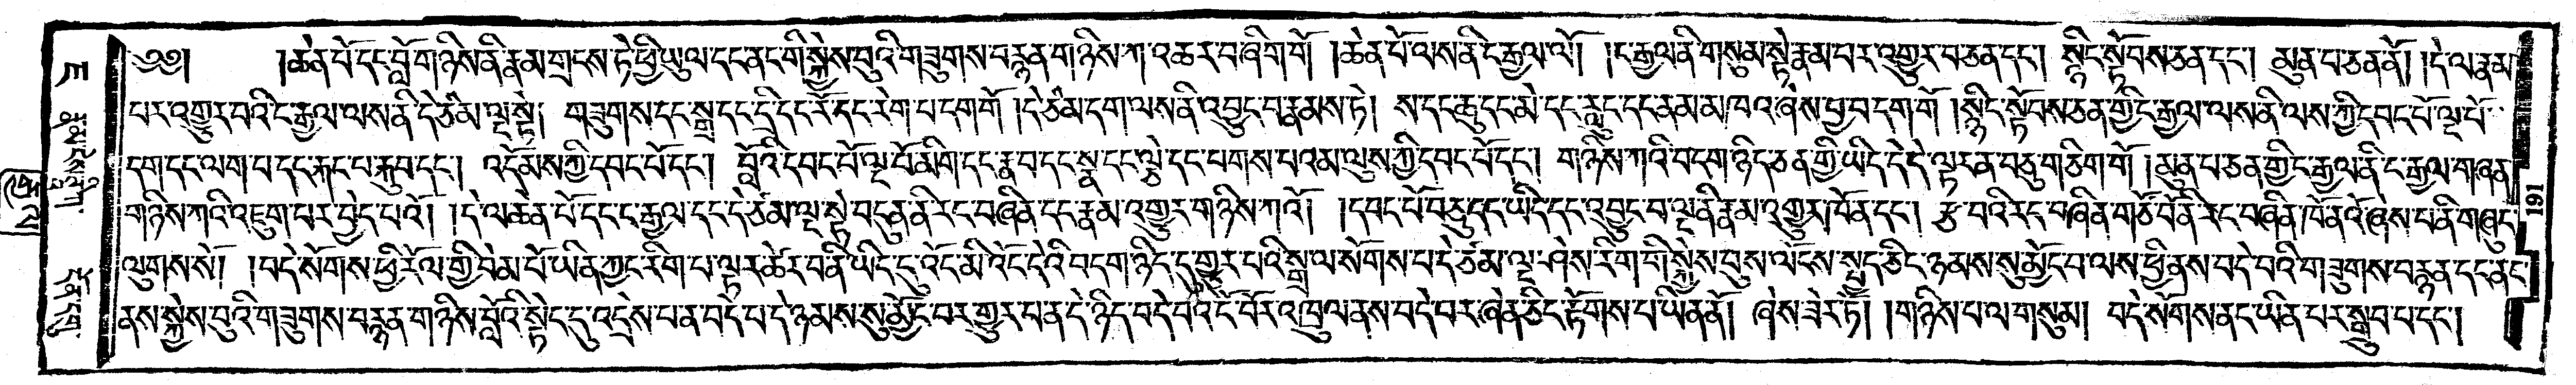༄༅། །ཆེན་པོ་དང་བློ་གཉིས་ནི་རྣམ་གྲངས་ཏེ་ཕྱི་ཡུལ་དང་ནང་གི་སྐྱེས་བུའི་གཟུགས་བརྙན་གཉིས་ཀ་འཆར་བ་ཞིག་གོ །ཆེན་པོ་ལས་ནི་ང་རྒྱལ་ལོ། །ང་རྒྱལ་ནི་གསུམ་སྟེ་རྣམ་པར་འགྱུར་བ་ཅན་དང་། སྙིང་སྟོབས་ཅན་དང་། མུན་པ་ཅན་ནོ། །དེ་ལ་རྣམ་
པར་འགྱུར་བའི་ང་རྒྱལ་ལས་ནི་དེ་ཙམ་ལྔ་སྟེ། གཟུགས་དང་སྒྲ་དང་དྲི་དང་རོ་དང་རེག་པ་དག་གོ །དེ་ཙམ་དག་ལས་ནི་འབྱུང་བ་རྣམས་ཏེ། ས་དང་ཆུ་དང་མེ་དང་རླུང་དང་ནམ་མཁའ་ཞེས་བྱ་བ་དག་གོ །སྙིང་སྟོབས་ཅན་གྱི་ང་རྒྱལ་ལས་ནི་ལས་ཀྱི་དབང་པོ་ལྔ་པོ་
དག་དང་ལག་པ་དང་རྐང་པ་རྐུབ་དང་། འདོམས་ཀྱི་དབང་པོ་དང་། བློའི་དབང་པོ་ལྔ་པོ་མིག་དང་རྣ་བ་དང་སྣ་དང་ལྕེ་དང་པགས་པའམ་ལུས་ཀྱི་དབང་པོ་དང་། གཉིས་ཀའི་བདག་ཉིད་ཅན་གྱི་ཡིད་དེ་དེ་ལྟར་ན་བཅུ་གཅིག་གོ །མུན་པ་ཅན་གྱི་ང་རྒྱལ་ནི་ང་རྒྱལ་གཞན་
གཉིས་ཀའི་འཇུག་པར་བྱེད་པའོ། །དེ་ལ་ཆེན་པོ་དང་ང་རྒྱལ་དང་དེ་ཙམ་ལྔ་སྟེ་བདུན་ནི་རང་བཞིན་དང་རྣམ་འགྱུར་གཉིས་ཀའོ། །དབང་པོ་བཅུ་དང་ཡིད་དང་འབྱུང་བ་ལྔ་ནི་རྣམ་འགྱུར་ཁོ་ན་དང་། རྩ་བའི་རང་བཞིན་གཙོ་བོ་ནི་རང་བཞིན་ཁོ་ནའོ་ཞེས་པ་ནི་གཞུང་
ལུགས་སོ། །བདེ་སོགས་ཕྱི་རོལ་གྱི་བེམ་པོ་ཡིན་ཀྱང་རིག་པ་ལྟར་ཚེར་བ་ནི་ཡིད་དུ་འོང་མི་འོང་དེའི་བདག་ཉིད་དུ་གྱུར་པའི་སྒྲ་ལ་སོགས་པ་དེ་ཙམ་ལྔ་ཤེས་རིག་གི་སྐྱེས་བུས་ལོངས་སྤྱད་ཅིང་ཉམས་སུ་མྱོང་བ་ལས་ཕྱི་ནས་བདེ་བའི་གཟུགས་བརྙན་དང་ནང་
ནས་སྐྱེས་བུའི་གཟུགས་བརྙན་གཉིས་བློའི་སྟེང་དུ་འདྲེས་པ་ན་བདེ་བ་དེ་ཉམས་སུ་མྱོང་བར་གྱུར་པ་ན་དེ་ཉིད་བདེ་བའི་ངོ་བོར་འཁྲུལ་ནས་བདེ་བར་ཞེན་ཅིང་རྟོགས་པ་ཡིན་ནོ། ཞེས་ཟེར་ཏོ། །གཉིས་པ་ལ་གསུམ། བདེ་སོགས་ནང་ཡིན་པར་སྒྲུབ་པ་དང་།